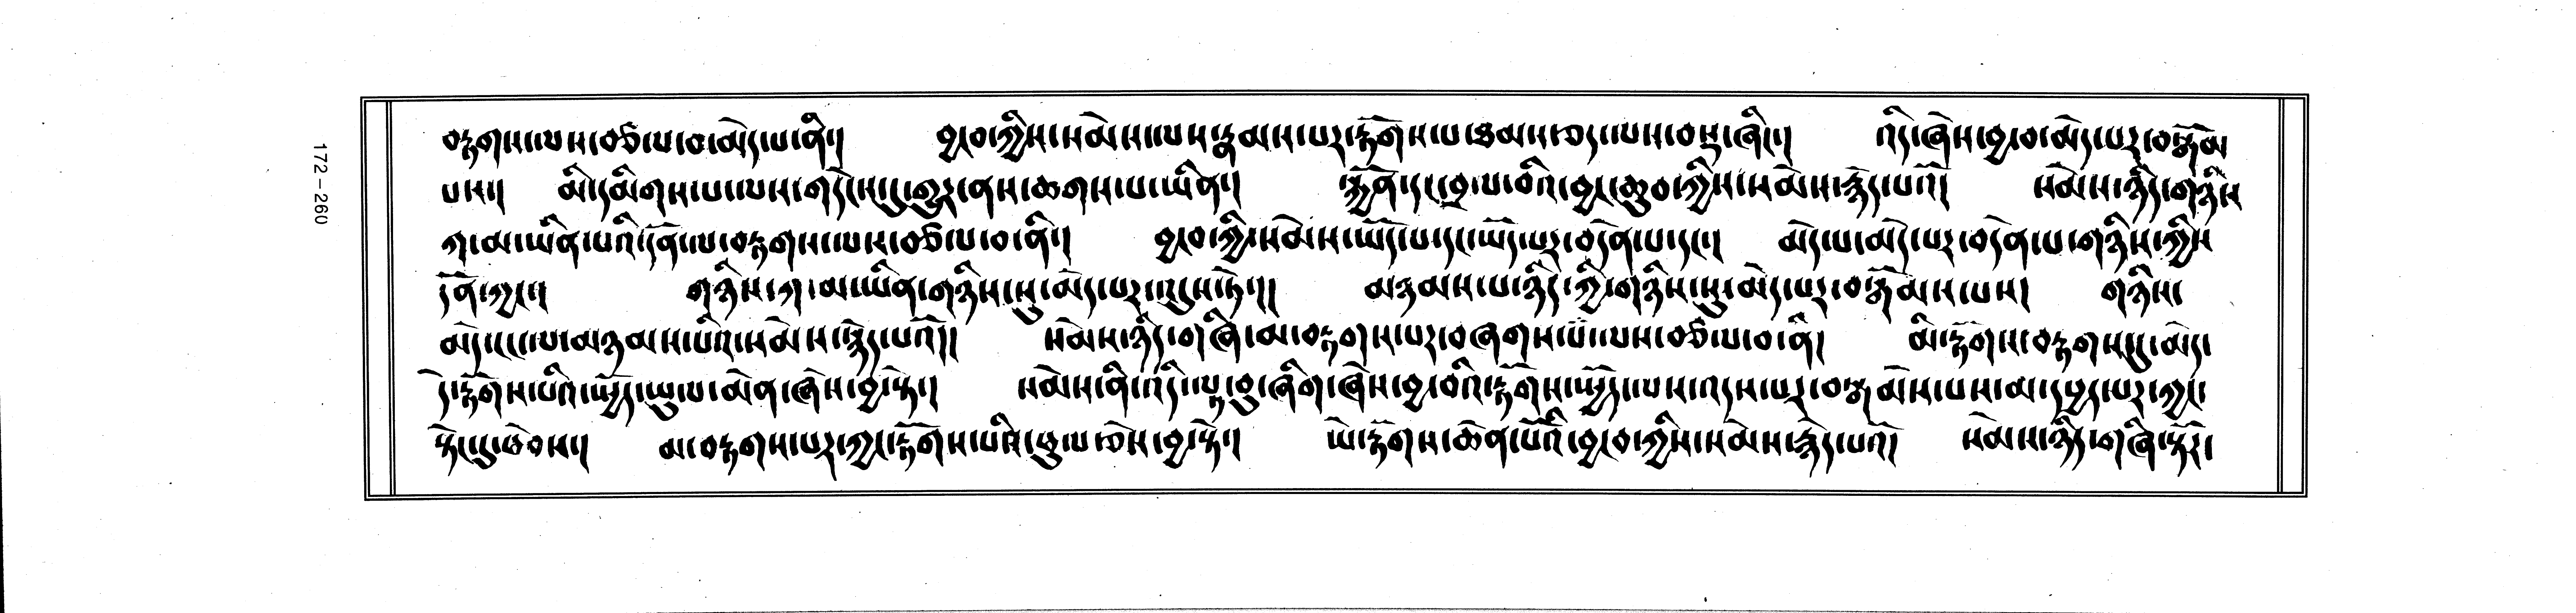བརྟགས་ལས་བཙལ་བ་མེད་པ་ནི། བྱང་ཆུབ་ཀྱིས་སེམས་རྣམ་པར་རྟོགས་པ་ཐམས་ཅད་ལས་བསྡ་ཞིང་། འདི་ཞེས་བྱ་བ་མེད་པར་བསྒོམ་
པས། མི་དམིགས་པ་ལས་གདེང་དུ་གྱུར་ནས་ཆགས་པ་ཡིན། སྐྱོན་དང་བྲལ་བའི་བྱང་ཆུབ་ཀྱིས་སེམས་རྙེད་པའོ། སེམས་ཉིད་གཉིས་
ཀ་མ་ཡིན་པའི་དོན་ལ་བརྟགས་ལས་བཙལ་བ་ནི། བྱང་ཆུབ་ཀྱིས་སེམས་ཡོད་པ་དང་ཡོད་པར་བདེན་པ་དང་། མེད་པ་མེད་པར་བདེན་པ་གཉིས་ཀྱིས་
དོན་ཀྱང་། གཉིས་ཀ་མ་ཡིན་གཉིས་སུ་མེད་པར་འདུས་ཏེ། མཉམས་པ་ཉིད་ཀྱི་གཉིས་སུ་མེད་པར་བསྒོམས་པས། གཉིས་
མེད་ངང་ལ་མཉམས་པའི་སེམས་རྙེད་པའོ། སེམས་ཉིད་གཞི་མ་བརྟགས་པར་བཞགས་ལས་བཙལ་བ་ནི། མི་རྟོགས་བརྟགས་དུ་མེད་
དེ་རྟོགས་པའི་སྤྱོད་ཡུལ་མེན་ཞེས་བྱ་སྟེ། སེམས་ནི་འདི་ལྟ་བུ་ཞིག་ཞེས་བྱ་བའི་རྟོགས་སྤྱོད་ལས་འདས་པར་བསྒོམས་པས་མ་དཔྱད་པར་ཀྱང་
སྟེང་དུ་ཕེབས། མ་བརྟགས་པར་ཀྱང་རྟོགས་པའི་ཕུལ་ཅེས་བྱ་སྟེ། ཡེ་རྟོགས་ཆེན་པོའི་བྱང་ཆུབ་ཀྱིས་སེམས་སྙེད་པའོ། སེམས་ཉིད་གཞི་སྟོར་